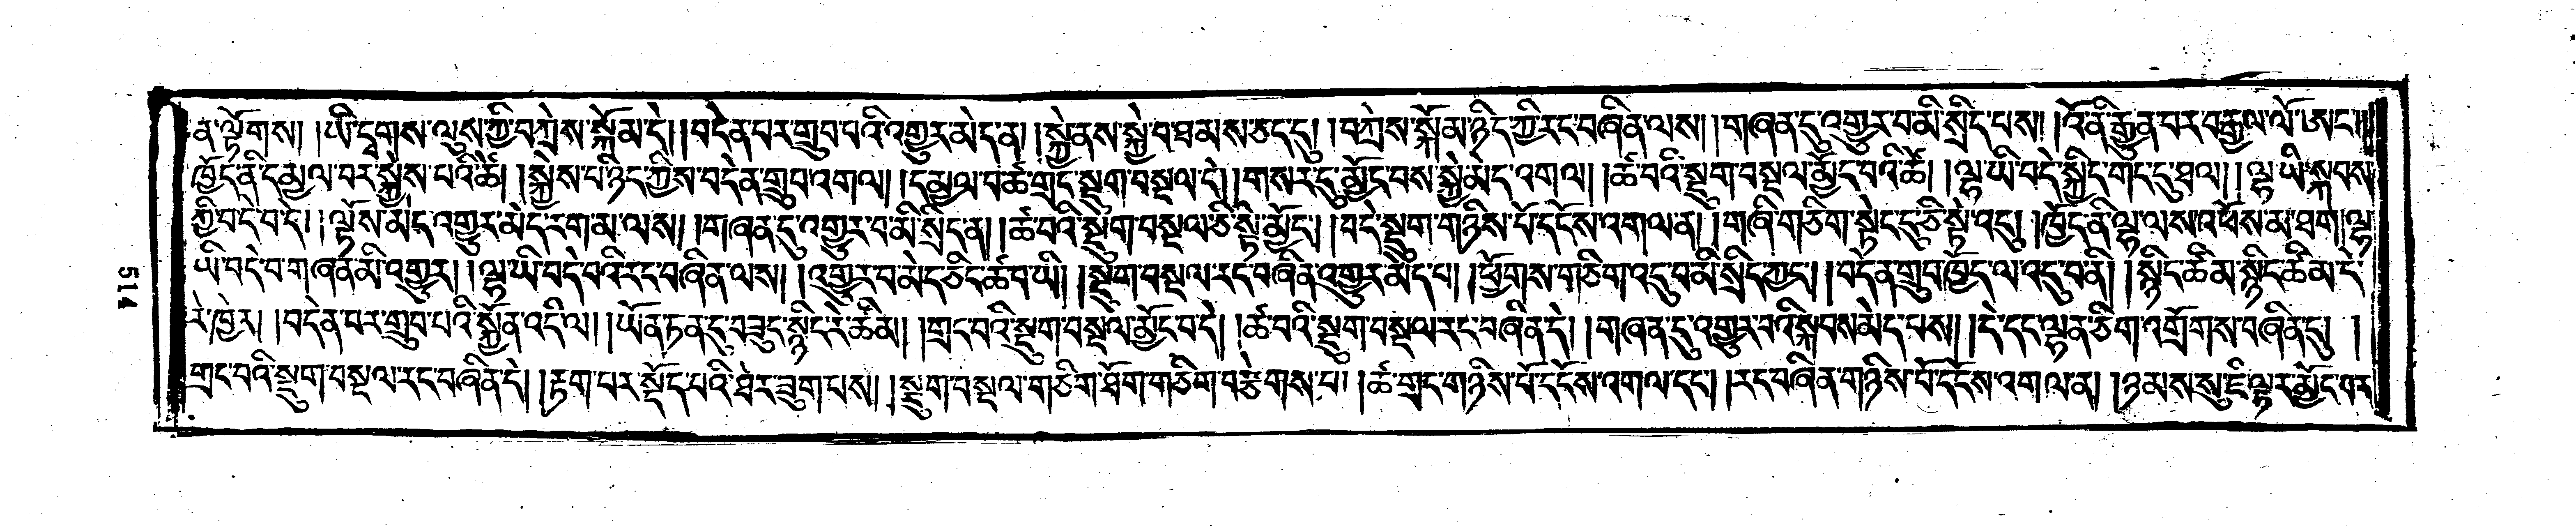ན་ལྟོགས། །ཡི་དྭགས་ལུས་ཀྱི་བཀྲེས་སྐོམ་དེ། །བདེན་པར་གྲུབ་པའི་འགྱུར་མེད་ན། །སྐྱེ་ནས་སྐྱེ་བ་ཐམས་ཅད་དུ། །བཀྲེས་སྐོམ་ཉིད་ཀྱི་རང་བཞིན་ལས། །གཞན་དུ་འགྱུར་བ་མི་སྲིད་པས། །འོ་ནི་རྒྱུན་པར་བརྒྱལ་ལོ་ཨང་། །
ཁྱོད་ནི་དམྱལ་བར་སྐྱེས་པའི་ཚེ། །སྐྱེས་པ་ཉིད་ཀྱིས་བདེན་གྲུབ་འགལ། །དམྱལ་བ་ཚ་གྲང་སྡུག་བསྔལ་དེ། །གསར་དུ་མྱོང་བས་སྐྱེ་མེད་འགལ། །ཚ་བའི་སྡུག་བསྔལ་མྱོང་བའི་ཚེ། །ལྷ་ཡི་བདེ་སྐྱིད་གང་དུ་ཐལ། །ལྷ་ཡི་སྐབས་
ཀྱི་བདེ་བ་དེ། །ལྟོས་མེད་འགྱུར་མེད་རག་མ་ལས། །གཞན་དུ་འགྱུར་བ་མི་སྲིད་ན། །ཚ་བའི་སྡུག་བསྔལ་ཅི་སྟེ་མྱོང་། །བདེ་སྡུག་གཉིས་པོ་དངོས་འགལ་ན། །གཞི་གཅིག་སྟེང་དུ་ཅི་སྟེ་འདུ། །ཁྱོད་ནི་ལྷ་ལས་འཕོས་མ་ཐག །ལྷ་
ཡི་བདེ་བ་གཞན་མི་འགྱུར། །ལྷ་ཡི་བདེ་བའི་རང་བཞིན་ལས། །འགྱུར་བ་མེད་ཅིང་ཚ་བ་ཡི། །སྡུག་བསྔལ་རང་བཞིན་འགྱུར་མེད་པ། །ཕྱོགས་གཅིག་འདུ་བ་མི་སྲིད་ཀྱང་། །བདེན་གྲུབ་ཁྱོད་ལ་འདུ་བ་ནི། །སྙིང་ཚིམ་སྙིང་ཚིམ་དེ་
རེ་ཁྱེར། །བདེན་པར་གྲུབ་པའི་སྐྱོན་འདི་ལ། །ཡོན་ཏན་དུ་བཟུང་སྙིང་རེ་ཚིམ། །གྲང་བའི་སྡུག་བསྔལ་མྱོང་བ་དེ། །ཚ་བའི་སྡུག་བསྔལ་རང་བཞིན་དེ། །གཞན་དུ་འགྱུར་བའི་སྐབས་མེད་པས། །དེ་དང་ལྷན་ཅིག་འགྲོགས་བཞིན་དུ། །
གྲང་བའི་སྡུག་བསྔལ་རང་བཞིན་དེ། །རྟག་པར་སྡོད་པའི་ཐེར་ཟུག་པས། །སྡུག་བསྔལ་གཅིག་ཐོག་གཅིག་བརྩེགས་པ། །ཚ་གྲང་གཉིས་པོ་དངོས་འགལ་དང་། །རང་བཞིན་གཉིས་པོ་དངོས་འགལ་ན། །ཉམས་སུ་ཇི་ལྟར་མྱོང་བར་